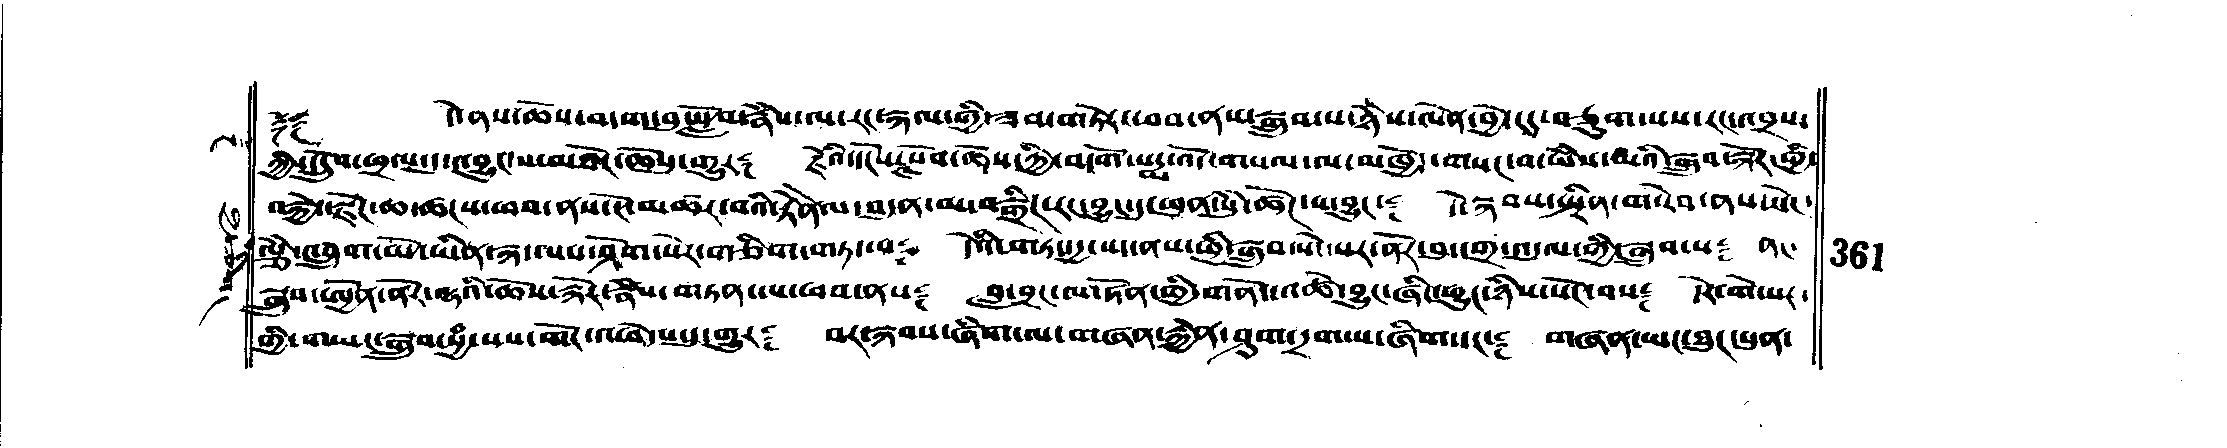དེ་ནས་ཆོས་བདག་བུ་སློབ་རྣམས་ལ་རང་སྐལ་གྱི་ཟབ་གཏེར་ཕབ་ནས་སྒྲུབ་པ་ཉམས་ལེན་བྱེད་དུ་བཅུག་པས་རང་འབྲས་
ཀྱི་དངོས་གྲུབ་ཕྲལ་དུ་འབྱུང་བ་མཐོང་ཆོས་སུ་གྱུར། རྗེའི་དངོས་སློབ་ཆོས་ཀྱི་བདག་པོ་པདྨ་འོད་གསལ་ལ་མཁའ་འགྲོ་གསང་བ་ཡེ་ཤེས་མའི་སྒྲུབ་སྐོར་གྱི་
བསྐྱེད་རྫོགས་ཆ་ཚང་ཕབ་ནས་ངོ་མཚར་བའི་རྟེན་འབྲེལ་བདུན་མ་བསྒྲིགས་རང་བྱུང་དུ་ཕུན་སུམ་ཚོགས་པ་བྱུང་།དེ་སྐབས་སྤྲིན་གསེབ་ནས་སེང་
ལྕམ་འབྲུག་མོ་ཡིན་སྐད་པས་ཤོག་སེར་གཅིག་གཏད་པ། དེའི་གཏད་རྒྱ་སད་ནས་ཕྱི་སྒྲུབ་གེ་སར་ནོར་བུ་དགྲ་འདུལ་གྱི་སྒྲུབ་པ། ནང་
སྒྲུབ་ཨོ་རྒྱན་ནོར་ལྷའི་ཆོས་སྐོར་རྣམས་གཏན་ལ་ཕབ་ནས། བླ་བྲང་ལ་ཧོན་གྱི་གནོད་འཚེ་བྱུང་ཞིང་ཕྱུགས་ཉམས་སོང་བས། དེར་གེ་སར་
གྱི་གཡང་སྒྲུབ་གསུང་པས་གོང་འཕེལ་དུ་གྱུར། བར་སྐབས་ཞིག་ལ་གཞན་རྐྱེན་ཤུག་དྲག་པ་ཞིག་དང་། གཞན་ཡང་ཐུགས་སུན་